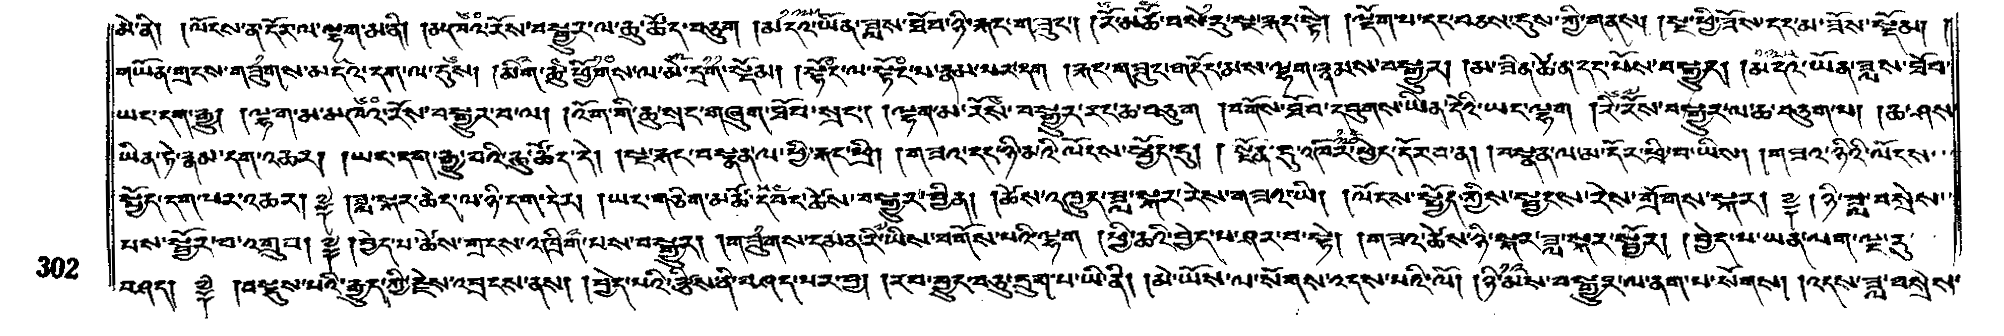མེ་ནི། །ལོངས་ན་དོར་ལ་ལྷག་མ་ནི། །མཁའ་རོས་བསྒྱུར་ལ་ཆུ་ཚོད་བཅུག །མདའ་ཡོན་ཟླས་ཐོབ་ཉི་རྐང་གཟུང་། །རོ་མཚོ་བསེ་རུ་སྔ་རྐང་སྟེ། །ལྡོག་པ་དང་བཅས་དུས་ཀྱི་གནས། །སྔ་ཕྱི་ཟོས་དང་མ་ཟོས་སྡོམ། །
གཡོན་གྲངས་གཟུགས་མདའ་དག་ལ་དུས། །མིག་ཆུ་ཕྱོགས་ལ་མེ་དྲག་སྡོམ། །སྟོང་ལ་སྟོང་པ་རྣམ་པར་དག །རྐང་གཟུང་གདོང་མས་ལྷག་རྣམས་བསྒྱུར། །མ་ཟིན་ཚེ་ན་དང་པོས་བསྒྱུར། །མདའ་ཡོན་ཟླས་ཐོབ་
ཡང་དག་རྒྱུ། །ལྷག་མ་མཁའ་རོས་བསྒྱུར་བ་ལ། །འོག་གི་ཆུ་སྲང་གཞུག་ཐོབ་སྲང་། །ལྷག་མ་རོས་བསྒྱུར་རང་ཆ་བཅུག །བགོས་ཐོབ་དབུགས་ཡིན་དེའི་ཡང་ལྷག །རི་རོས་བསྒྱུར་ལ་ཆ་བཅུག་པ། །ཆ་ཤས་
ཡིན་ཏེ་རྣམ་དག་འཆར། །ཡང་དག་རྒྱུ་བའི་ཆུ་ཚོད་དེ། །སྔ་རྐང་བསྣན་ལ་ཕྱི་རྐང་ཕྲི། །གཟའ་དང་ཉི་མའི་ལོངས་སྤྱོད་དུ། །སྔོན་དུ་འཁོར་ཕྱེད་དོར་བ་ན། །བསྣན་ལ་མ་དོར་ཕྲི་བ་ཡིས། །གཟའ་ཉིའི་ལོངས་
སྤྱོད་དག་པར་འཆར། ༈ །ཟླ་སྐར་ཆེད་ལ་ཉི་དག་དེར། །ཡང་གཅིག་མཚོ་དབང་ཚེས་བསྒྱུར་བྱིན། །ཚེས་འཁྱུད་ཟླ་སྐར་རེས་གཟའ་ཡི། །ལོངས་སྤྱོད་ཀྱིས་སྦྱངས་རེས་གྲོགས་སྐར། ༈ །ཉི་ཟླ་བསྲེས་
པས་སྦྱོར་བ་འགྲུབ། ༈ །བྱེད་པ་ཚེས་གྲངས་འཁྲིག་པས་བསྒྱུར། །གཟུགས་དམན་རི་ཡིས་བགོས་པའི་ལྷག །ཕྱི་ཆའི་བྱེད་པ་ཤར་བ་སྟེ། །གཟའ་ཚེས་ཉི་སྐར་ཟླ་སྐར་སྦྱོར། །བྱེད་པ་ཡན་ལག་ལྔ་རུ་
བཤད། ༈ །བསྡུས་པའི་རྒྱུད་ཀྱི་རྗེས་འབྲངས་ནས། །བྱེད་པའི་རྩིས་ནི་བཤད་པར་བྱ། །རབ་བྱུང་བཅུ་དྲུག་པ་ཡི་ནི། །མེ་ཡོས་ལ་སོགས་འདས་པའི་ལོ། །ཉི་མས་བསྒྱུར་ལ་ནག་པ་སོགས། །འདས་ཟླ་བསྲེས་